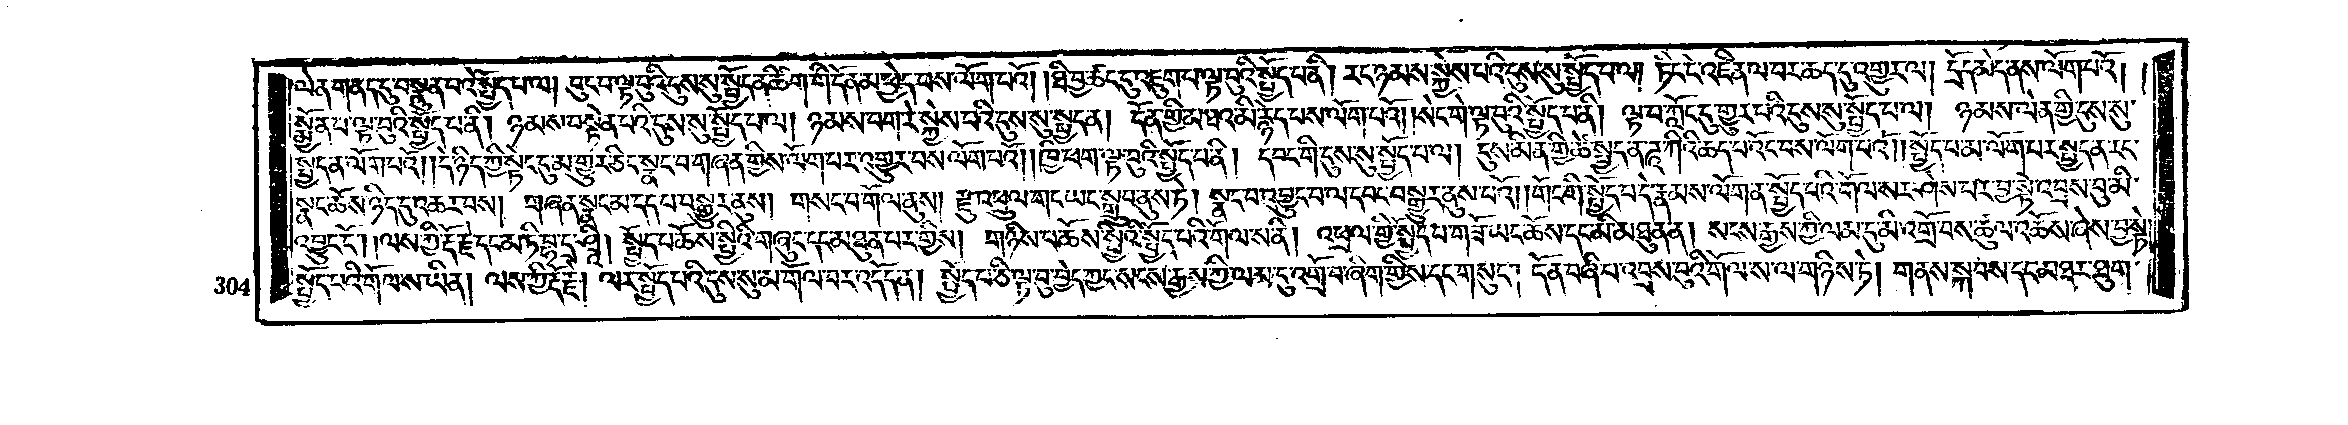ལེན་གནད་དུ་བསྣུན་པའི་སྤྱོད་པ་ལ། བུང་བ་ལྟ་བུའི་དུས་སུ་སྤྱོད་ན་ཚིག་གི་དོན་མ་ཕྱེད་པས་ལོག་པའོ། །ཐི་བྱ་ཚང་དུ་འཇུག་པ་ལྟ་བུའི་སྤྱོད་པ་ནི། རང་ཉམས་སྐྱེས་པའི་དུས་སུ་སྤྱོད་པ་ལ། ཏིང་ངེ་འཛིན་ལ་བར་ཆད་དུ་འགྱུར་ལ། དྲོད་མེད་ནས་ལོག་པའོ། །
སྨྱོན་པ་ལྟ་བུའི་སྤྱོད་པ་ནི། ཉམས་བསྟེན་པའི་དུས་སུ་སྤྱོད་པ་ལ། ཉམས་བག་རེ་སྐྱེས་པའི་དུས་སུ་སྤྱད་ན། དོན་གྱི་མཐའ་མི་རྙེད་པས་ལོག་པའོ། །སེང་གེ་ལྟ་བུའི་སྤྱོད་པ་ནི། ལྟ་བ་ཀློང་དུ་གྱུར་པའི་དུས་སུ་སྤྱོད་པ་ལ། ཉམས་ལེན་གྱི་དུས་སུ་སྤྱད་ན་
ལོག་པའོ། །དེ་ཉིད་ཀྱི་སྟེང་དུ་མ་གྱུར་ཅིང་སྣང་བ་གཞན་གྱིས་ལོག་པར་འགྱུར་བས་ལོག་པའོ། །ཁྱི་ཕག་ལྟ་བུའི་སྤྱོད་པ་ནི། དབང་གི་དུས་སུ་སྤྱོད་པ་ལ། དུས་མིན་གྱི་ཚེ་སྤྱད་ན་ཌཱ་ཀིའི་ཆད་པ་འོང་བས་ལོག་པའོ། །སྤྱོད་པ་མ་ལོག་པར་སྤྱད་ན་རང་
སྣང་ཆོས་ཉིད་དུ་འཆར་བས། གཞན་སྣང་མ་དད་པ་བསྒྱུར་ནུས། གསང་བ་གོལ་ནུས། རྫུ་འཕྲུལ་གང་ཡང་སྒྲུབ་ནུས་ཏེ། སྣང་བ་འབྱུང་བ་ལ་དབང་བསྒྱུར་ནུས་པའོ། །གོང་གི་སྤྱོད་པ་དེ་རྣམས་ལོག་ན་སྤྱོད་པའི་གོལ་སར་ཤེས་པར་བྱ་སྟེ་འབྲས་བུ་མི་
འབྱུང་ངོ། །ལས་ཀྱི་རྡོ་རྗེ་དང་མ་ཏི་བྷ་དྲ་ཤྲཱི། སྤྱོད་པ་ཆོས་སྤྱིའི་གཞུང་དང་མཐུན་པར་གྱིས། གཉིས་པ་ཆོས་སྤྱིའི་སྤྱོད་པའི་གོལ་ས་ནི། འཕྲལ་གྱི་སྤྱོད་པ་གཟོ་ཡང་ཆོས་དང་མི་མཐུན་ན། སངས་རྒྱས་ཀྱི་ལམ་དུ་མི་འགྲོ་བས་ཚུལ་འཆོས་ཞེས་བྱ་སྟེ།
སྤྱོད་པའི་གོལ་ས་ཡིན། ལས་ཀྱི་རྡོ་རྗེ། ལར་སྤྱོད་པའི་དུས་སུ་མ་གོལ་བར་འདོད་ན། སྤྱོད་པ་ཅི་ལྟ་བུ་བྱེད་ཀྱང་སངས་རྒྱས་ཀྱི་ལམ་དུ་འགྲོ་བ་ཞིག་གྱིས་དང་གསུང་། དོན་བཞི་པ་འབྲས་བུའི་གོལ་ས་ལ་གཉིས་ཏེ། གནས་སྐབས་དང་མཐར་ཐུག་